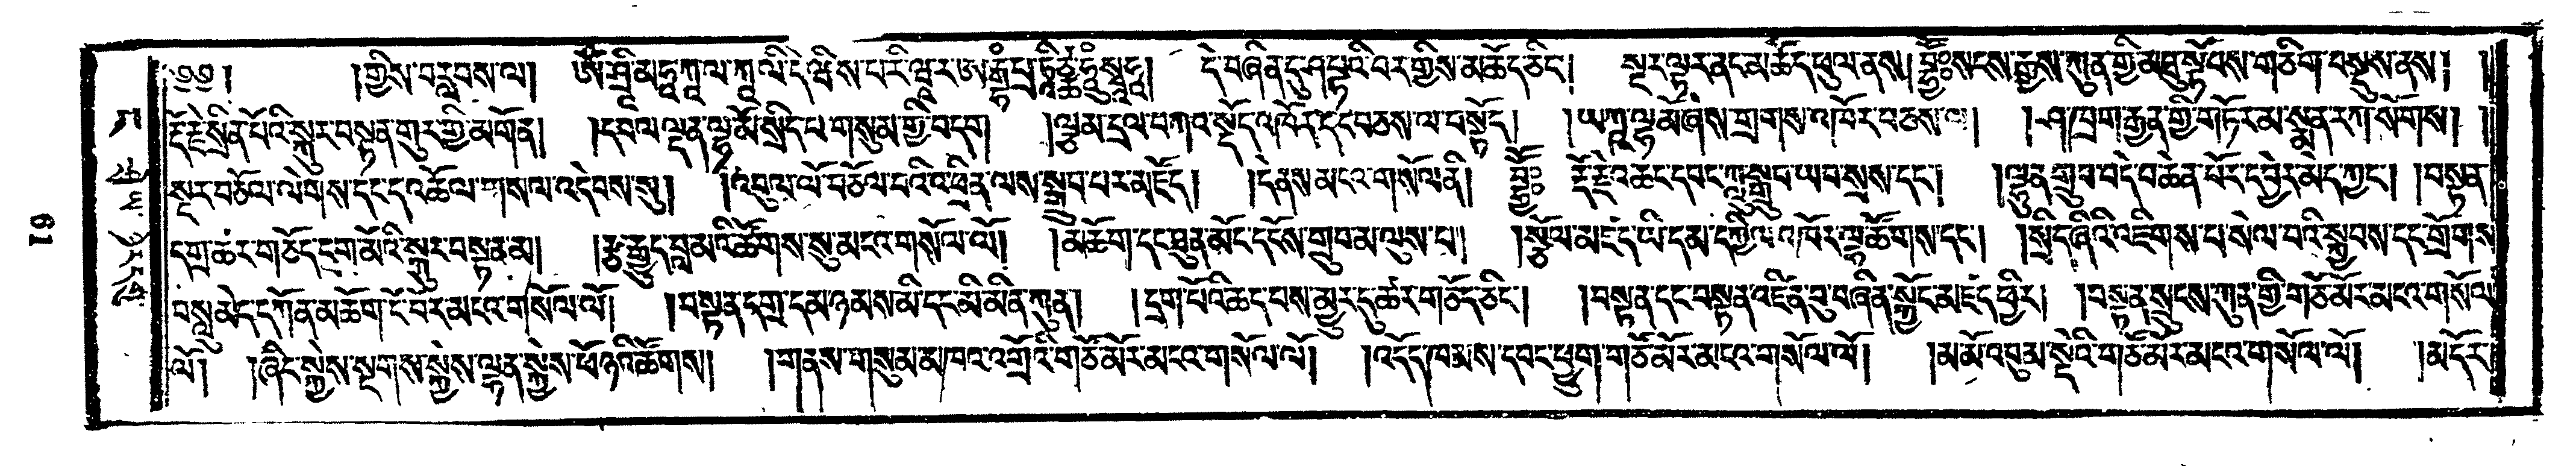༄༅། །གྱིས་བརླབས་ལ། ཨོཾ་ཤྲཱི་མཧཱ་ཀཱ་ལ་ཀཱ་ལི་དེ་ཝི་ས་པ་རི་ཝཱ་ར་ཨ་རྒྷཾ་པྲ་ཏཱིཙྪ་ཧཱུཾ་སྭཱཧཱ། དེ་བཞིན་དུ་ཤཔྟའི་བར་གྱིས་མཆོད་ཅིང་། སྔར་ལྟར་ནང་མཆོད་ཕུལ་ནས། བྷྱཽཿ སངས་རྒྱས་ཀུན་གྱི་མཐུ་སྟོབས་གཅིག་བསྡུས་ནས། །
རྡོ་རྗེ་སྲིན་བོའི་སྐུར་བསྟན་གུར་གྱི་མགོན། །དཔལ་ལྡན་ལྷ་མོ་སྲིད་པ་གསུམ་གྱི་བདག །ལྕམ་དྲལ་བཀའ་སྡོད་འཁོར་དང་བཅས་ལ་བསྟོད། །ཡཀྵ་ལྷ་མོ་ཞེས་གྲགས་འཁོར་བཅས་ལ། །ཤ་ཁྲག་རྒྱན་གྱི་གཏོར་མ་སྨན་རཀ་སོགས། །
སྔར་བཅོལ་ལེགས་དང་ད་འཆོལ་གསལ་འདེབས་སུ། །འབུལ་ལོ་བཅོལ་བའི་འཕྲིན་ལས་སྒྲུབ་པར་མཛོད། །དེ་ནས་མངའ་གསོལ་ནི། བྷྱཽཿ རྡོ་རྗེ་འཆང་དབང་ཀླུ་སྒྲུབ་ཡབ་སྲས་དང་། །ལྷུན་གྲུབ་བདེ་བ་ཆེན་པོར་དབྱེར་མེད་ཀྱང་། །བསྟན་
དགྲ་ཚར་གཅོད་དྲག་མོའི་སྐུར་བསྟན་མ། །རྩ་རྒྱུད་བླ་མའི་ཚོགས་སུ་མངའ་གསོལ་ལོ། །མཆོག་དང་ཐུན་མོང་དངོས་གྲུབ་མ་ལུས་པ། །སྩོལ་མཛད་ཡི་དམ་དཀྱིལ་འཁོར་ལྷ་ཚོགས་དང་། །སྲིད་ཞིའི་འཇིགས་པ་སེལ་བའི་སྐྱབས་དང་གྲོགས་
བསླུ་མེད་དཀོན་མཆོག་ངོ་བོར་མངའ་གསོལ་ལོ། །བསྟན་དགྲ་དམ་ཉམས་མི་དང་མི་མིན་ཀུན། །དྲག་པོའི་ཆད་པས་མྱུར་དུ་ཚར་གཅོད་ཅིང་། །བསྟན་དང་བསྟན་འཛིན་བུ་བཞིན་སྐྱོང་མཛད་ཕྱིར། །བསྟན་སྲུང་ཀུན་གྱི་གཙོ་མོར་མངའ་གསོལ་
ལོ། །ཞིང་སྐྱེས་སྔགས་སྐྱེས་ལྷན་སྐྱེས་ཕོ་ཉའི་ཚོགས། །གནས་གསུམ་མཁའ་འགྲོའི་གཙོ་མོར་མངའ་གསོལ་ལོ། །འདོད་ཁམས་དབང་ཕྱུག་གཙོ་མོར་མངའ་གསོལ་ལོ། །མ་མོ་འབུམ་སྡེའི་གཙོ་མོར་མངའ་གསོལ་ལོ། །མདོར་